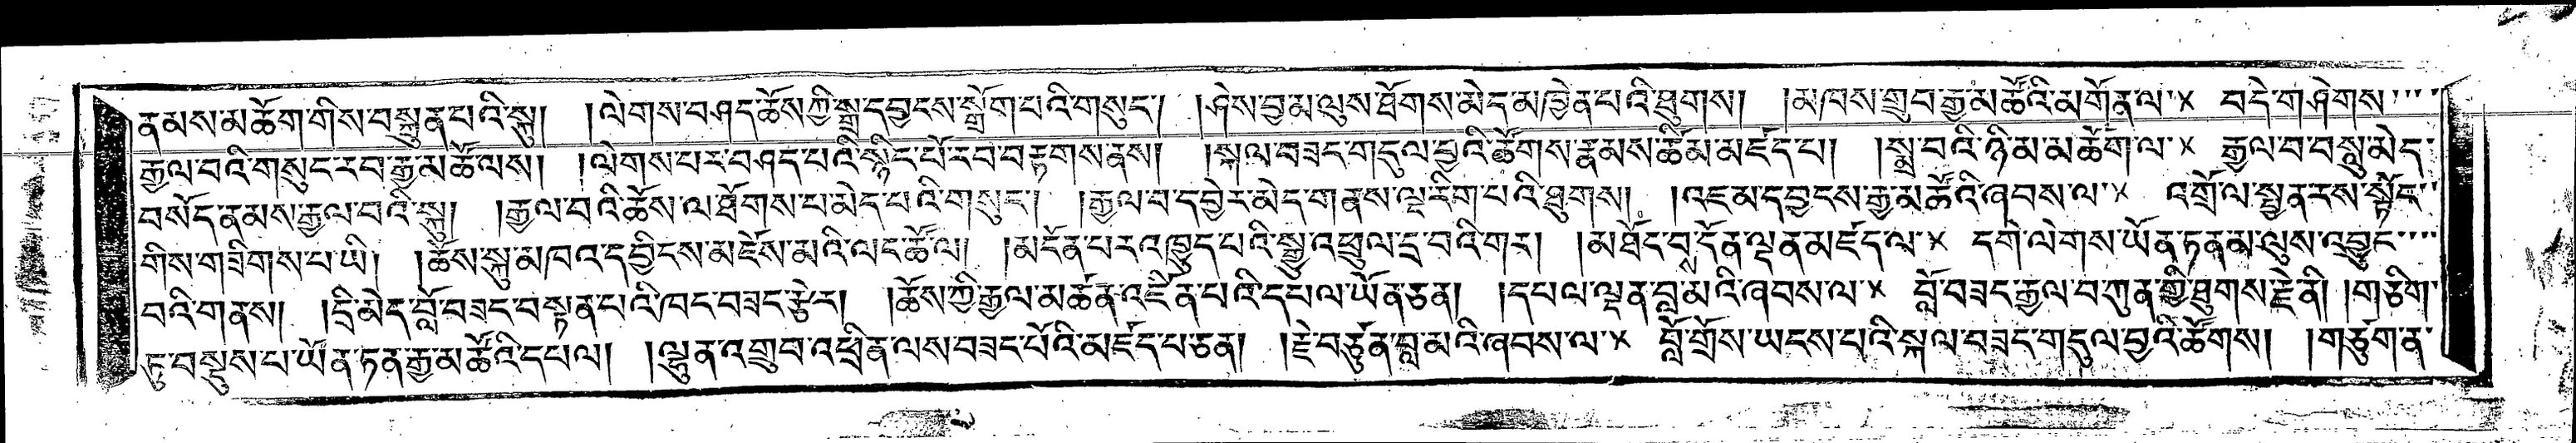ནམས་མཆོག་གིས་བསྐྲུན་པའི་སྐུ། །ལེགས་བཤད་ཆོས་ཀྱི་སྒྲ་དབྱངས་སྒྲོག་པའི་གསུང་། །ཤེས་བྱ་མ་ལུས་ཐོགས་མེད་མཁྱེན་པའི་ཐུགས། །མཁས་གྲུབ་རྒྱ་མཚོའི་མགོན་ལ་{྾}་བདེ་གཤེགས་
རྒྱལ་བའི་གསུང་རབ་རྒྱ་མཚོ་ལས། །ལེགས་པར་བཤད་པའི་སྙིང་པོ་རབ་བརྟགས་ནས། །སྐལ་བཟང་གདུལ་བྱའི་ཚོགས་རྣམས་ཚིམ་མཛད་པ། །སྨྲ་བའི་ཉི་མ་མཆོག་ལ་{྾}་རྒྱལ་བ་བསླུ་མེད་
བསོད་ནམས་རྒྱལ་བའི་སྐུ། །རྒྱལ་བའི་ཆོས་ལ་ཐོགས་པ་མེད་པའི་གསུང་། །རྒྱལ་བ་དབྱེར་མེད་གནས་ལྔ་རིག་པའི་ཐུགས། །འཇམ་དབྱངས་རྒྱ་མཚོའི་ཞབས་ལ་{྾}་འགྲོ་ལ་སྤྱན་རས་སྟོང་
གིས་གཟིགས་པ་ཡི། །ཆོས་སྐུ་མཁའ་དབྱིངས་མཛེས་མའི་ལང་ཚོ་ལ། །མངོན་པར་འཁྱུད་པའི་སྒྱུ་འཕྲུལ་དྲ་བའི་གར། །མཐོང་བས་དོན་ལྡན་མཛད་ལ་{྾}་དགེ་ལེགས་ཡོན་ཏན་མ་ལུས་འབྱུང་
བའི་གནས། །དྲི་མེད་བློ་བཟང་བསྟན་པའི་ཁང་བཟང་རྩེར། །ཆོས་ཀྱི་རྒྱལ་མཚན་འཛིན་པའི་དཔལ་ཡོན་ཅན། །དཔལ་ལྡན་བླ་མའི་ཞབས་ལ་{྾}་བློ་བཟང་རྒྱལ་བ་ཀུན་གྱི་ཐུགས་རྗེ་ནི། །གཅིག་
ཏུ་བསྡུས་པ་ཡོན་ཏན་རྒྱ་མཚོའི་དཔལ། །ལྷུན་འགྲུབ་འཕྲིན་ལས་བཟང་པོའི་མཛད་པ་ཅན། །རྗེ་བཙུན་བླ་མའི་ཞབས་ལ་{྾}་བློ་གྲོས་ཡངས་པའི་སྐལ་བཟང་གདུལ་བྱའི་ཚོགས། །གཙུག་ན་